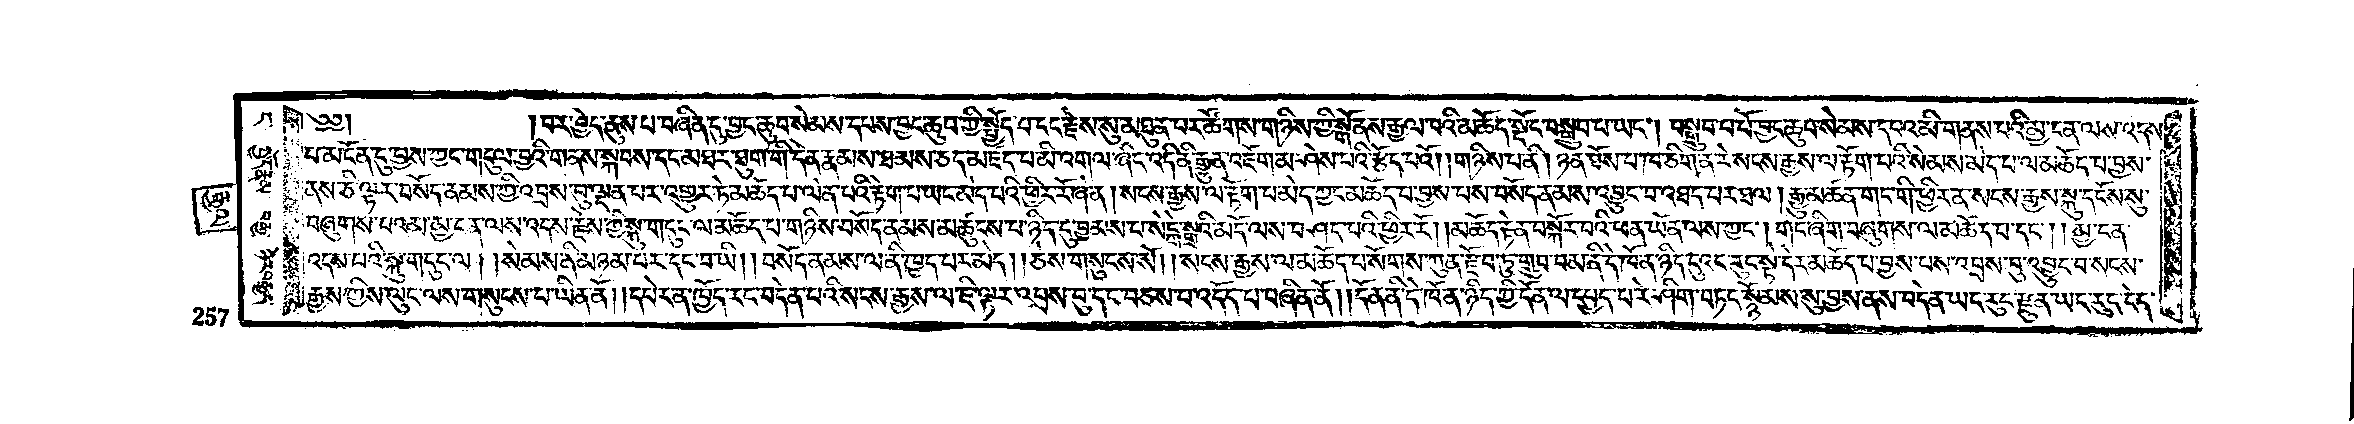༄༅། །པར་བྱེད་ནུས་པ་བཞིན་དུ་བྱང་ཆུབ་སེམས་དཔས་བྱང་ཆུབ་ཀྱི་སྤྱོད་པ་དང་རྗེས་སུ་མཐུན་པར་ཚོགས་གཉིས་ཀྱི་སྒོ་ནས་རྒྱལ་བའི་མཆོད་སྡོང་བསྒྲུབ་པ་ཡང་། བསྒྲུབ་པ་པོ་བྱང་ཆུབ་སེམས་དཔའ་མི་གནས་པའི་མྱ་ངན་ལས་འདས་
པ་མངོན་དུ་བྱས་ཀྱང་གདུལ་བྱའི་གནས་སྐབས་དང་མཐར་ཐུག་གི་དོན་རྣམས་ཐམས་ཅད་མཛད་པ་མི་འགལ་ཞིང་འདི་ནི་རྒྱུན་འཇོག་མ་ཤེས་པའི་རྩོད་པའོ། །གཉིས་པ་ནི། ཉན་ཐོས་པ་ཁ་ཅིག་ན་རེ་སངས་རྒྱས་ལ་རྟོག་པའི་སེམས་མེད་པ་ལ་མཆོད་པ་བྱས་
ནས་ཅི་ལྟར་བསོད་ནམས་ཀྱི་འབྲས་བུ་ལྡན་པར་འགྱུར་ཏེ་མཆོད་པ་ལེན་པའི་རྟོག་པ་ཡང་མེད་པའི་ཕྱིར་རོ། །སངས་རྒྱས་ལ་རྟོག་པ་མེད་ཀྱང་མཆོད་པ་བྱས་པས་བསོད་ནམས་འབྱུང་བ་འཐད་པར་ཐལ། རྒྱུ་མཚན་གང་གི་ཕྱིར་ན་སངས་རྒྱས་སྐུ་དངོས་སུ་
བཞུགས་པའམ་མྱ་ངན་ལས་འདས་རྗེས་ཀྱི་སྐུ་གདུང་ལ་མཆོད་པ་གཉིས་བསོད་ནམས་མཚུངས་པ་ཉིད་དུ་བྱམས་པ་སེངགེ་སྒྲའི་མདོ་ལས་བཤད་པའི་ཕྱིར་རོ། །མཆོད་རྟེན་བསྐོར་བའི་ཕན་ཡོན་ལས་ཀྱང་། གང་ཞིག་བཞུགས་ལ་མཆོད་པ་དང་། །མྱ་ངན་
འདས་པའི་སྐུ་གདུང་ལ། །སེམས་ནི་མཉམ་པར་དང་བ་ཡི། །བསོད་ནམས་ལ་ནི་ཁྱད་པར་མེད། །ཅེས་གསུངས་སོ། །སངས་རྒྱས་ལ་མཆོད་པ་སོགས་ཀུན་རྫོབ་ཏུ་གྲུབ་བམ་ནི་དེ་ཁོ་ན་ཉིད་དུའང་རུང་སྟེ་དེར་མཆོད་པ་བྱས་པས་འབྲས་བུ་འབྱུང་བ་སངས་
རྒྱས་ཀྱི་ལུང་ལས་གསུངས་པ་ཡིན་ནོ། །དཔེར་ན་ཁྱོད་རང་བདེན་པའི་སངས་རྒྱས་ལ་ཇི་ལྟར་འབྲས་བུ་དང་བཅས་པ་འདོད་པ་བཞིན་ནོ། །དོན་ནི་དེ་ཁོ་ན་ཉིད་ཀྱི་དོན་ལ་དཔྱད་པ་རེ་ཤིག་བཏང་སྙོམས་སུ་བྱས་ནས་བདེན་ཡང་རུང་རྫུན་ཡང་རུང་དེད་